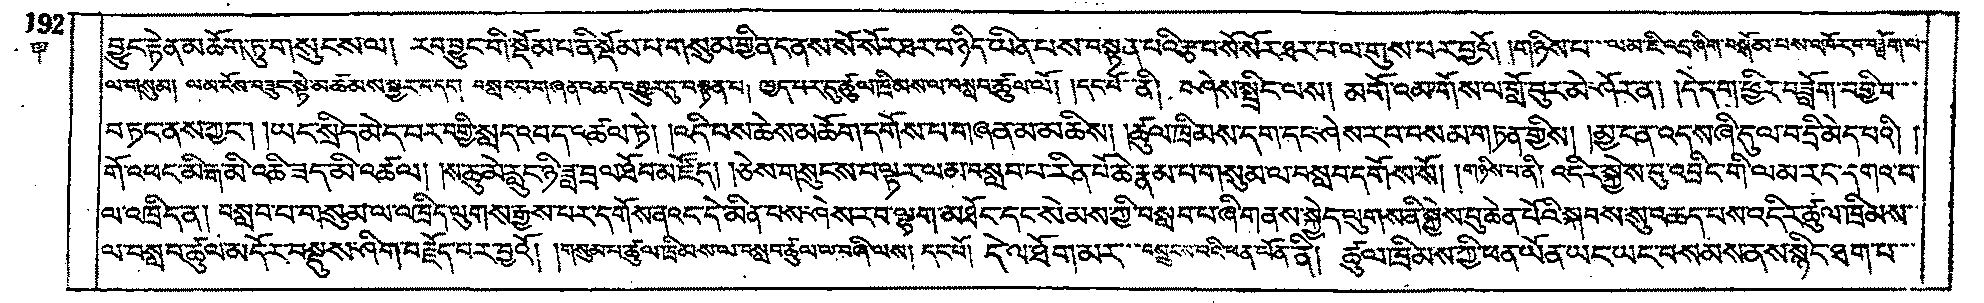བྱུང་རྟེན་མཆོག་ཏུ་གསུངས་ལ། རབ་བྱུང་གི་སྡོམ་པ་ནི་སྡོམ་པ་གསུམ་གྱི་ནང་ནས་སོ་སོར་ཐར་པ་ཉིད་ཡིན་པས་བསྟན་པའི་རྩ་བ་སོ་སོར་ཐར་པ་ལ་གུས་པར་བྱའོ། །གཉིས་པ་ལམ་ཇི་འདྲ་ཞིག་བསྒོམ་པས་འཁོར་བ་བཟློག་པ་
ལ་གསུམ། ལམ་ངོས་བཟུང་སྟེ་མཚམས་སྦྱར་བ་དང་། བསླབ་པ་གཞན་འཆད་འགྱུར་དུ་བསྟན་པ། ཁྱད་པར་དུ་ཚུལ་ཁྲིམས་ལ་བསླབ་ཚུལ་ལོ། །དང་པོནི། བཤེས་སྤྲིང་ལས། མགོ་འམ་གོས་ལ་གློ་བུར་མེ་ཤོར་ན། །དེ་དག་ཕྱིར་བཟློག་བགྱི་བ་
བཏང་ནས་ཀྱང་། །ཡང་སྲིད་མེད་པར་བགྱི་སླད་འབད་འཚལ་ཏེ། །འདི་བས་ཆེས་མཆོག་དགོས་པ་གཞན་མ་མཆིས། །ཚུལ་ཁྲིམས་དག་དང་ཤེས་རབ་བསམ་གཏན་གྱིས། །མྱ་ངན་འདས་ཞི་དུལ་བ་དྲི་མེད་པའི། །
གོ་འཕང་མི་རྒ་མི་འཆི་ཟད་མི་འཚལ། །ས་ཆུ་མེ་རླུང་ཉི་ཟླ་བྲལ་ཐོབ་མཛོད། །ཅེས་གསུངས་པ་ལྟར་ལམ་བསླབ་པ་རིན་པོ་ཆེ་རྣམ་པ་གསུམ་ལ་བསླབ་དགོས་སོ། །གཉིས་པ་ནི།  འདིར་སྐྱེས་བུ་འབྲིང་གི་ལམ་རང་དགའ་བ་
ལ་འཁྲིད་ན། བསླབ་པ་གསུམ་ལ་འཁྲིད་ལུགས་རྒྱས་པར་དགོས་ནའང་དེ་མིན་པས་ཤེས་རབ་ལྷག་མཐོང་དང་སེམས་ཀྱི་བསླབ་པ་ཞི་གནས་སྐྱེད་ལུགས་ནི་སྐྱེས་བུ་ཆེན་པོའི་སྐབས་སུ་འཆད་པས་འདིར་ཚུལ་ཁྲིམས་
ལ་བསླབ་ཚུལ་མདོར་བསྡུས་ཤིག་བརྗོད་པར་བྱའོ། །གསུམ་པ་ཚུལ་ཁྲིམས་ལ་བསླབ་ཚུལ་ལ་བཞི་ལས། དང་པོ།  དེ་ལ་ཐོག་མར་བསྲུངས་པའི་ཕན་ཡོནནི། ཚུལ་ཁྲིམས་ཀྱི་ཕན་ཡོན་ཡང་ཡང་བསམས་ནས་སྙིང་ཐག་པ་